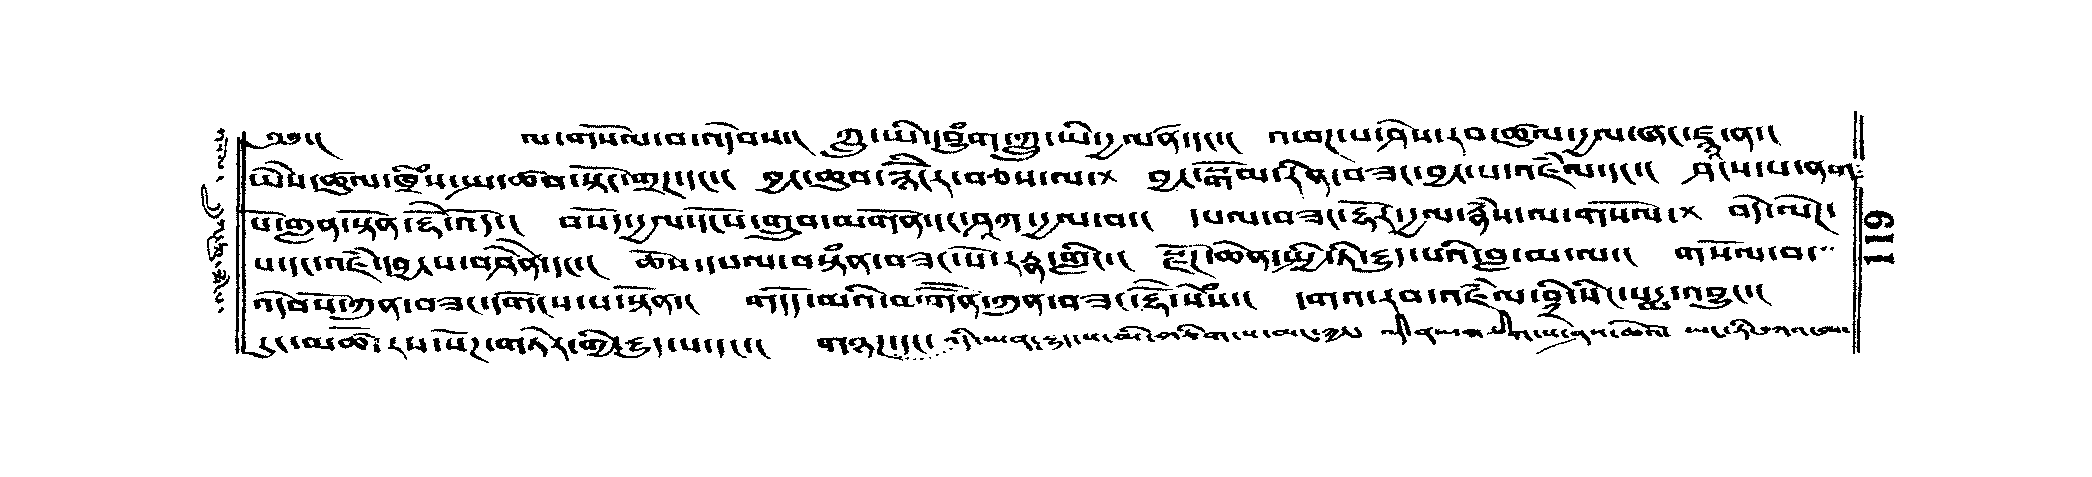ལ་གསོལ་བ་འདེབས། །ཀླུ་ཡི་དབང་ཕྱུག་ཀླུ་ཡི་རྒྱལ་མཆན་དང་། །འཕགས་པ་ཤེས་རབ་ཚུལ་རྒྱལ་ཞང་ཛྙཱ་ན། །
ཡེ་ཤེས་ཚུལ་ཁྲིམས་སྤ་ཚབ་སྟོང་གྲགས་དང་། །བྱང་ཆུབ་སྙིང་པོར་བཅས་ལ༴ །བྱང་སྒོམ་རིན་བཟང་བྱང་པ་འཇམ་དཔལ་དང་། །ཤངས་པ་ནག་
པོ་གླན་སྟོན་རྡོ་རྗེ་འོད། །བསོད་རྒྱལ་དངོས་གྲུབ་མངོན་དང་ཤཱཀ་རྒྱལ་བ། །དཔལ་བཟང་རྡོར་རྒྱལ་རྣམས་ལ་གསོལ༴ །བདེ་ལེགས་
པ་དང་འཇམ་དབྱངས་བཤེས་གཉེན་དང་། །ཆོས་དཔལ་བསམ་གཏན་བཟང་པོ་རཏྣ་གླིང་། །རྫོགས་ཆེན་སྤྱི་ཏི་རྒྱུད་པའི་བླ་མ་ལ། །གསོལ་བ་
འདེབས་སོ་ཀུན་བཟང་དགོངས་པ་སྟོན། །གདོད་མའི་མགོན་པོ་ཀུན་བཟང་རྡོ་རྗེ་སེམས། །དགའ་རབ་འཇམ་དཔལ་ཤྲཱི་སིང་པདྨ་འབྱུང་། །
དུང་མཚོ་རས་སོགས་གཏེར་གྱི་རྒྱུད་པ་དང་། །གཉགས་དང་{འདི་ཡན་རྒྱུད་པ་མི་གཅིག་པ་མང་ཀྱང་། འདི་ནས་གཅིག་པ་ཤས་ཆེའོ། ཡང་ཏི་བཀའ་མ་ལྟར་ན། }